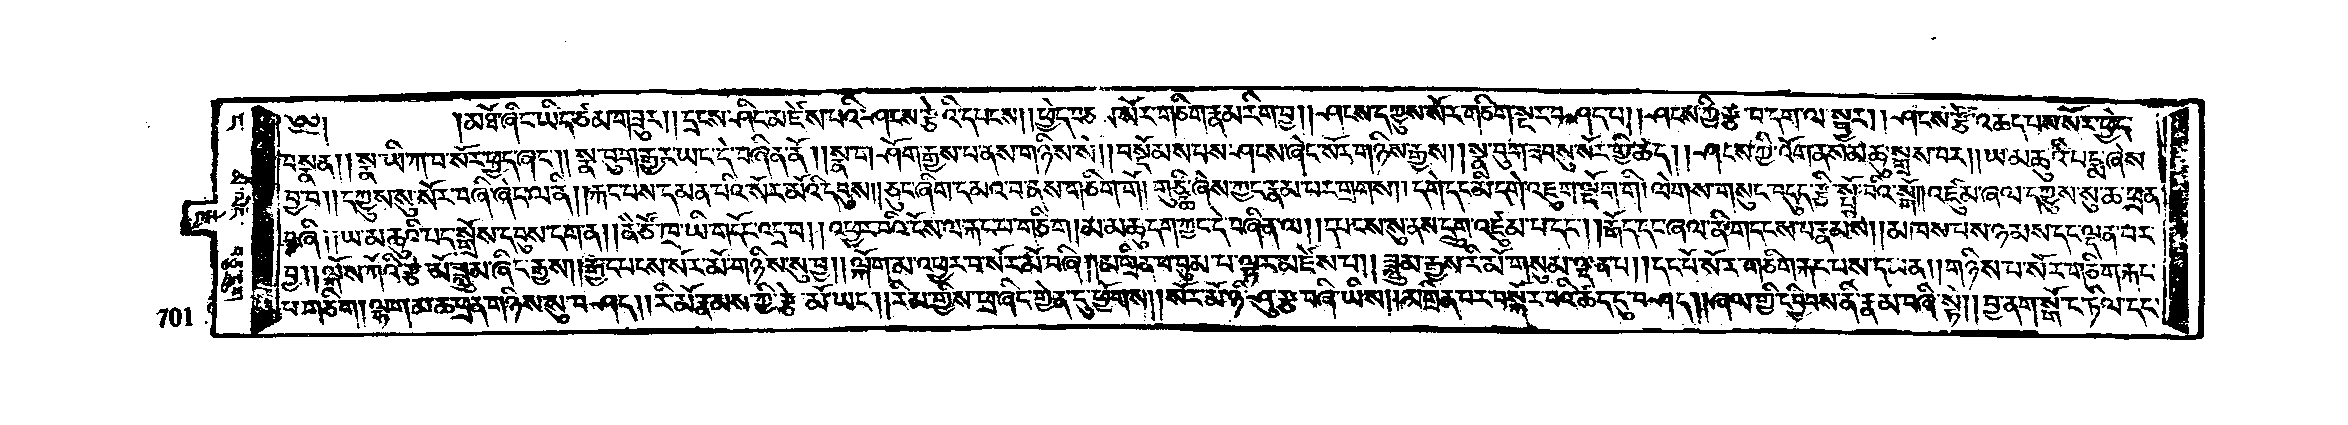༄༅། །མཐོ་ཞིང་ཡིད་ཙམ་གཟུར། །དྲངས་ཤིང་མཛེས་པའི་ཤངས་རྩེའི་དཔངས། །ཕྱེད་བཅས་སོར་གཅིག་རྣམ་རིག་བྱ། །ཤངས་དཀྱུས་སོར་གཅིག་སྔར་བཤད་པ། །ཤངས་ཀྱི་རྩ་བ་དག་ལ་སྦྱར། །ཤངས་རྩེ་འཆད་པས་སོར་ཕྱེད་
བསྣན། །སྣ་ཡི་ཀ་བ་སོར་ཕྱད་ཞང་། །སྣ་བུག་རྒྱར་ཡང་དེ་བཞིན་ནོ། །སྣ་གཤོག་རྒྱས་པ་ནས་གཉིས་སོ། །བསྡོམས་པས་ཤངས་ཞེང་སོར་གཉིས་རྒྱས། །སྣ་བུག་ཟབ་སུ་སོར་གྱི་ཚེད། །ཤངས་ཀྱི་འོག་ནས་མཆུ་སྒྲས་བར། །ཡ་མཆུའི་པདམ་ཞེས་
བྱ་བ། །དཀྱུས་སུ་སོར་བཞི་ཞེང་ལ་ནི། །རྐང་པས་དམན་པའི་སོར་མོའི་དབུས། །ཅུང་ཞིག་དམའ་བ་ནས་གཅིག་གོ །གུཙྪི་ཞེས་ཀྱང་རྣམ་པར་གྲགས། །དགེ་དང་མི་དགེ་འཇུག་ལྡོག་གི །ལེགས་གསུང་བདུད་རྩི་སྤྲོ་བའི་སྒོ། །འཛུམ་ཞལ་དཀྱུས་སུ་ཆ་ཕྲན་
བཞི། །ཡ་མཆུའི་པད་སྒྲོས་དབུས་དག་ན། །ནཻ་ཙོ་ཁྲ་ཡི་གདོང་འདྲ་བ། །འཕྱར་བའི་ངོས་ལ་རྐང་པ་གཅིག །མ་མཆུ་དག་ཀྱང་དེ་བཞིན་ལ། །དཔངས་སུ་ནས་དྲུག་འཛུམ་པ་དང་། །རྒོད་དང་ཞལ་ནི་གདངས་པ་རྣམས། །མཁས་པས་ཉམས་དང་ལྡན་པར་
བྱ། །ལྐོས་ཀོའི་རྩེ་མོ་ཟླུམ་ཞིང་རྒྱས། །རྒྱ་དཔངས་སོར་མོ་གཉིས་སུ་བྱ། །ལྐོག་མ་འཕྱར་བ་སོར་མོ་བཞི། །མགྲིན་ཕ་བུམ་པ་ལྟར་མཛེས་པ། །ཟླུམ་རྒྱས་རི་མོ་གསུམ་ལྡན་པ། །དང་པོ་སོར་གཅིག་རྐང་པས་དམན། །གཉིས་པ་སོར་གཅིག་རྐང་
པ་གཅིག །ལྷག་མ་ཆ་ཕྲན་གཉིས་སུ་བཤད། །རི་མོ་རྣམས་ཀྱི་རྩེ་མོ་ཡང་། །རིམ་གྱིས་ཕྲ་ཞིང་གྱེན་དུ་ཕྱོགས། །སོར་མོ་ཉི་ཤུ་རྩ་བཞི་ཡིས། །མགྲིན་པར་བསྐོར་བའི་ཚད་དུ་བཤད། །ཞལ་གྱི་དབྱིབས་ནི་རྣམ་བཞི་སྟེ། །བྱ་ནག་སྒོ་ང་ཏིལ་དང་